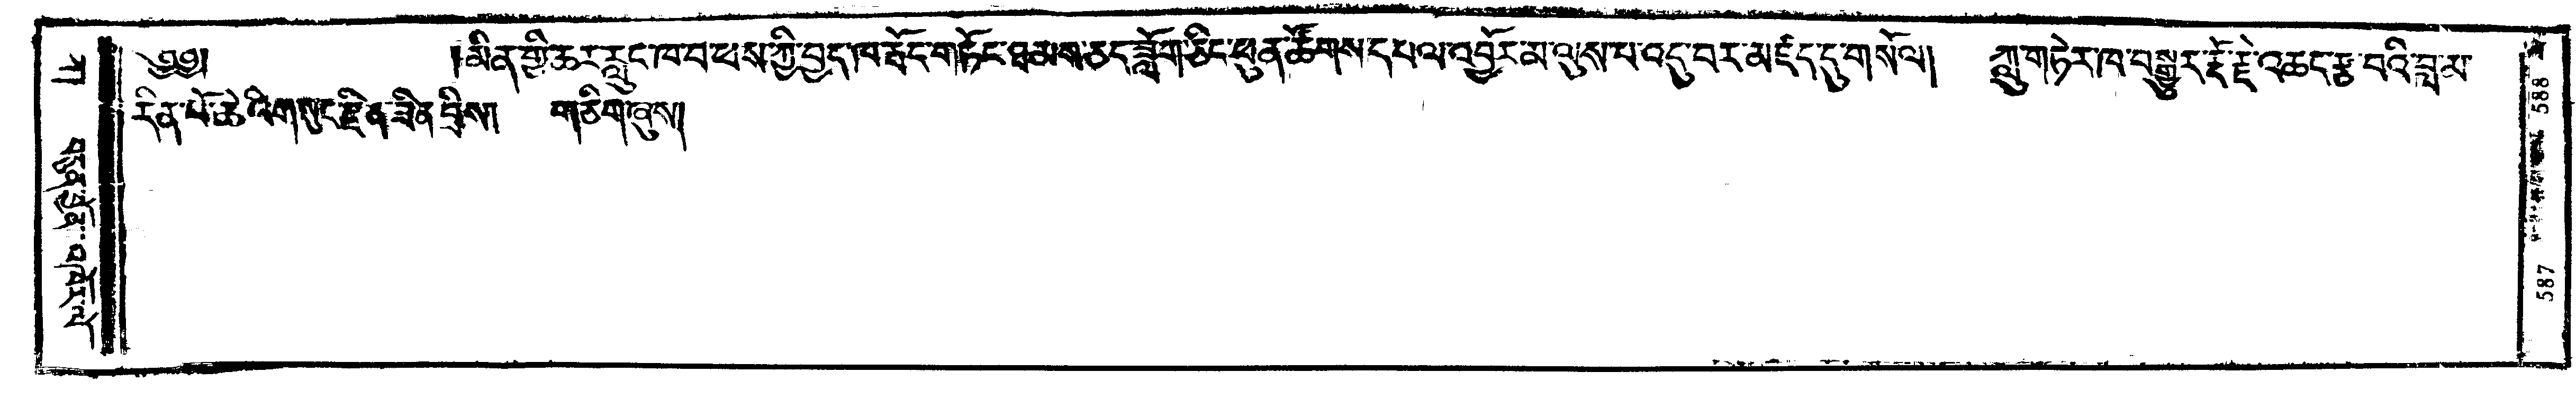༄༅། །མིན་གྱི་ཆར་རླུང་ཁ་བ་ཕས་ཀྱི་བྱད་ཁ་རྦོང་གཏོང་ཐམས་ཅ་ཟློག་ཅིང་ཕུན་ཚོགས་དཔལ་འབྱོར་མ་ལུས་པ་འདུ་བར་མཛད་དུ་གསོལ། ཀླུ་གཏོར་ཁ་བསྒྱུར་རྡོ་རྗེ་འཆད་རྩ་བའི་བླ་མ་
རིན་པོ་ཆེའི་གསུང་རྫིན་ཟིན་བྲིས། གཅིག་ཞུས།